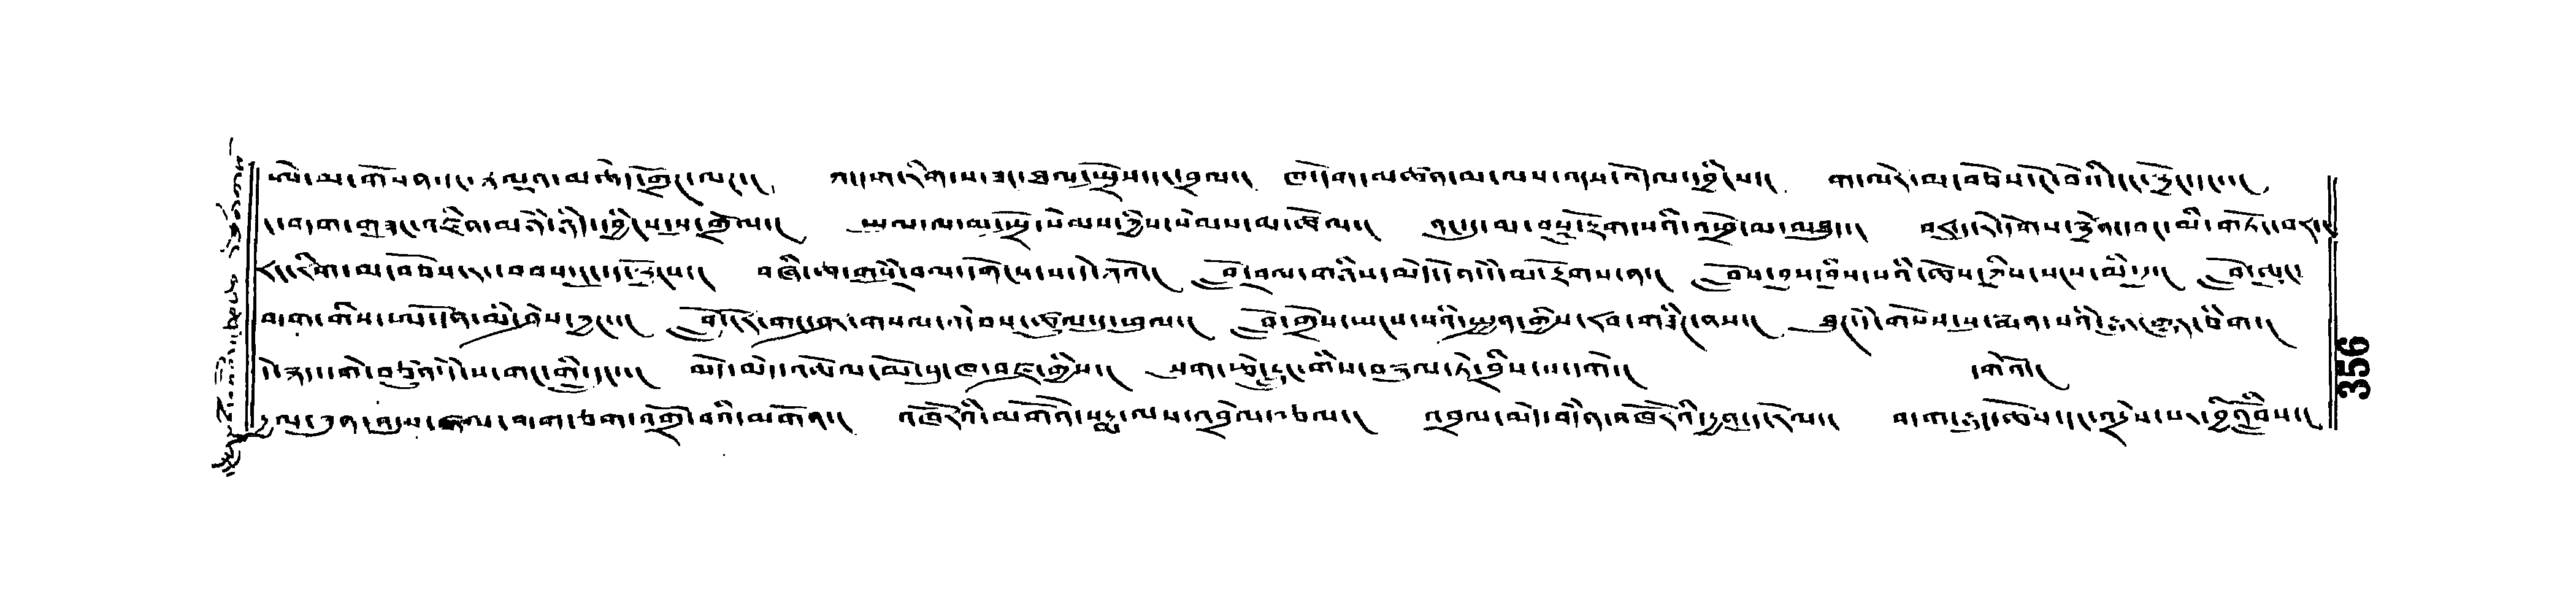ཨེ་མ་གསོན་དང་སྐལ་ལྡན་མཆེད་གྲོགས་ལགས། །ཀ་དག་རིག་པ་ཟང་ཐལ་སྤྲོས་དང་བྲལ། ཁ་དོག་མཚན་མ་ལས་འདས་འོད་གསལ་དབྱིངས། །ག་ལེར་མ་བཅོས་ངོ་བོའི་ངང་སྐྱོངས་དང་། །
ང་བདག་གཟུང་འཛིན་མཉམ་ཉིད་དབྱིངས་སུ་གྲོལ། །ཡུལ་ལ་མ་སྤྲོ་སེམས་ཀྱིས་སེམས་མ་ཚོལ། །ནང་དུ་མ་བསྡུ་རྟོག་པའི་འཕྲོ་མ་མཐུད། །བར་དུ་རེ་དོགས་རྐྱེན་དབང་མི་གཏོང་བར། །
རང་རིག་མ་བཅོས་རང་བབས་ངང་དུ་སྐྱོངས། །བཞི་ཆ་གསུམ་བྲལ་དགོངས་པ་དེ་ཀའོ། །བློ་བྲལ་གཉིས་མེད་དོན་དམ་མ་རྟོགས་ན། །བློས་བྱས་བྱིས་པའི་ཆོས་ཀྱིས་སངས་མི་རྒྱ། །བློ་ཆུང་
བདག་གིས་ཨ་དོན་མི་ཤེས་ཀྱང་། །བློ་ངོར་གང་ཤར་གསལ་འདེབས་ཚུལ་དུ་ཕུལ། །བློ་གྲོས་ཡངས་པའི་སྤྱན་གྱིས་རབ་གཟིགས་ནས། །ཐུགས་དམ་གསོས་སུ་སྨན་པའི་རྒྱུར་གྱུར་ཅིག།
དེ་སྐད་དགེ་བཙུན་དམ་པ་གང་གི་དྲུང་། །མདོ་མེད་འཆོལ་མོ་སུ་ཁ་བཛྲ་གྱིས། །སུག་རྩེ་རླུང་གིས་བསྐུལ་ཏེ་བྲིས་པ་དགེ དགེའོ།། 
རྒྱལ་ཀུན་འདུས་ཞལ་བདག་ཅག་འགྲོ་བའི་མགོན། །འཁོར་ལོའི་མགོན་པོ་པདྨ་ལས་འབྲེལ་རྩལ། །འབྲལ་མེད་བདེ་ཆེན་འཁོར་ལོའི་རྒྱན་དུ་རོལ། །བདག་རྒྱུད་ཆོས་དང་འདྲེས་པར་བྱིན་གྱིས་རློབས།